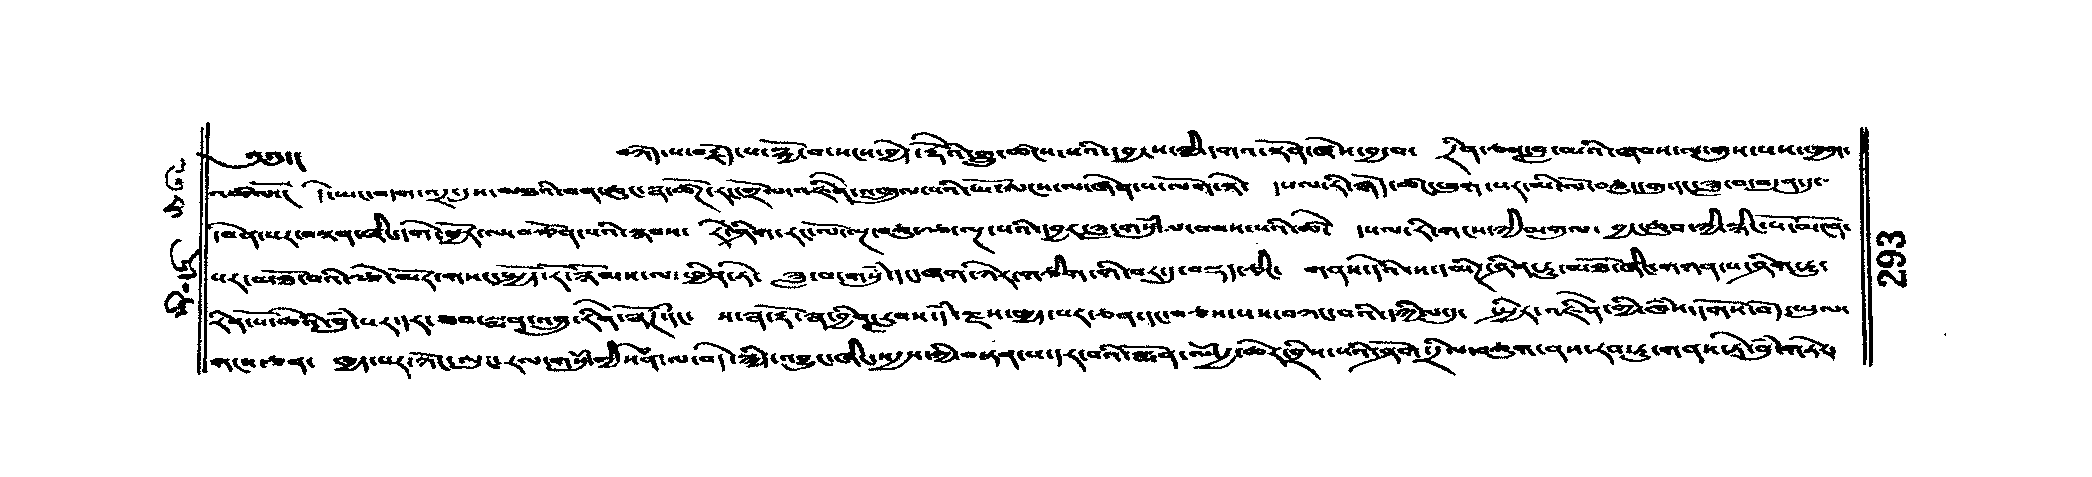བཀོད་པ་བརྗོད་པ་སྐྱོ་བ་སངས་བྱེད་རྡོ་རྗེའི་གླུ་ཚངས་པའི་དབྱངས་ཀྱི་དགའ་སྟོན་ཞེས་བྱ་བ། དྲིན་ཅན་བླ་མའི་ཞབས་ལ་གུས་པས་ཕྱག་
འཚལ་ལོ། དེ་ཡང་བདག་འདྲ་དུས་མཐའི་བན་ཆུང་སྣ་ཚོགས་རང་གྲོལ་འཇིག་རྟེན་འཁྲུལ་པའི་ཡོ་ལང་ལ་ཞེན་པ་ལོག་སྟེ། དཔལ་རི་རྒོད་ཚང་ཕུག་པར་མི་ལོ་བཅུ་དགུ་དང་ཟླ་བ་བདུན་དུ་
དབེན་པ་བསྟན་ཞིང་དགེ་སྦྱོར་ལ་བརྩོན་པའི་སྐབས། རེ་ཞིག་རང་ལོ་ལྔ་བཅུ་རྩ་ལྔ་པའི་དབྱར་ཟླ་གསུམ་ལ་བབས་པའི་ཚེ། དཔལ་རི་གངས་ཀྱི་མགུལ། བྱང་ཆུབ་ཀྱི་སྙིང་པོ་མངོན་
པར་མཐོ་བའི་རྩེ་མོར་གསང་སྤྱོད་རོ་སྙོམས་ལ་ཕྱིན་ཏེ། ཟླ་བ་གསུམ་དང་ཞག་ཉེར་གཅིག་གི་བར་དུ་བསྡད་ཅིང་། གནས་དེའི་ས་དམིགས་ཤིན་ཏུ་མཐོ་ཞིང་གཉན་པ་ཞིག་ཏུ་
རིན་པོ་ཆེའི་བུམ་པར་དར་ཟབ་སྨན་འབྲུ་རིན་ཆེན་སྣ་ཚོགས་དང་། ས་སྣ་རྡོ་སྣ་བྱིན་རླབས་དམ་རྫས་ཁྱད་པར་ཅན་དང་བཅས་པས་བཀང་བའི་དཀྱིལ་དུ། སྤྱིར་འཇིག་རྟེན་གྱི་ཁམས། དགོས་བོད་ཡུལ་
གངས་ཅན། ཁྱད་པར་ཀོང་ལུང་རལ་གསུམ་གྱི་སེམས་ཅན་ལ་བདེ་སྐྱིད་འབྱུང་ཞིང་སངས་རྒྱས་ཀྱི་བསྟན་པ་དར་བའི་སྨོན་ལམ་རྒྱ་ཆེར་བྲིས་པའི་ཤོག་དྲིལ་བཅུག་ནས་རབ་ཏུ་གནས་ཏེ་བུམ་གཏེར་